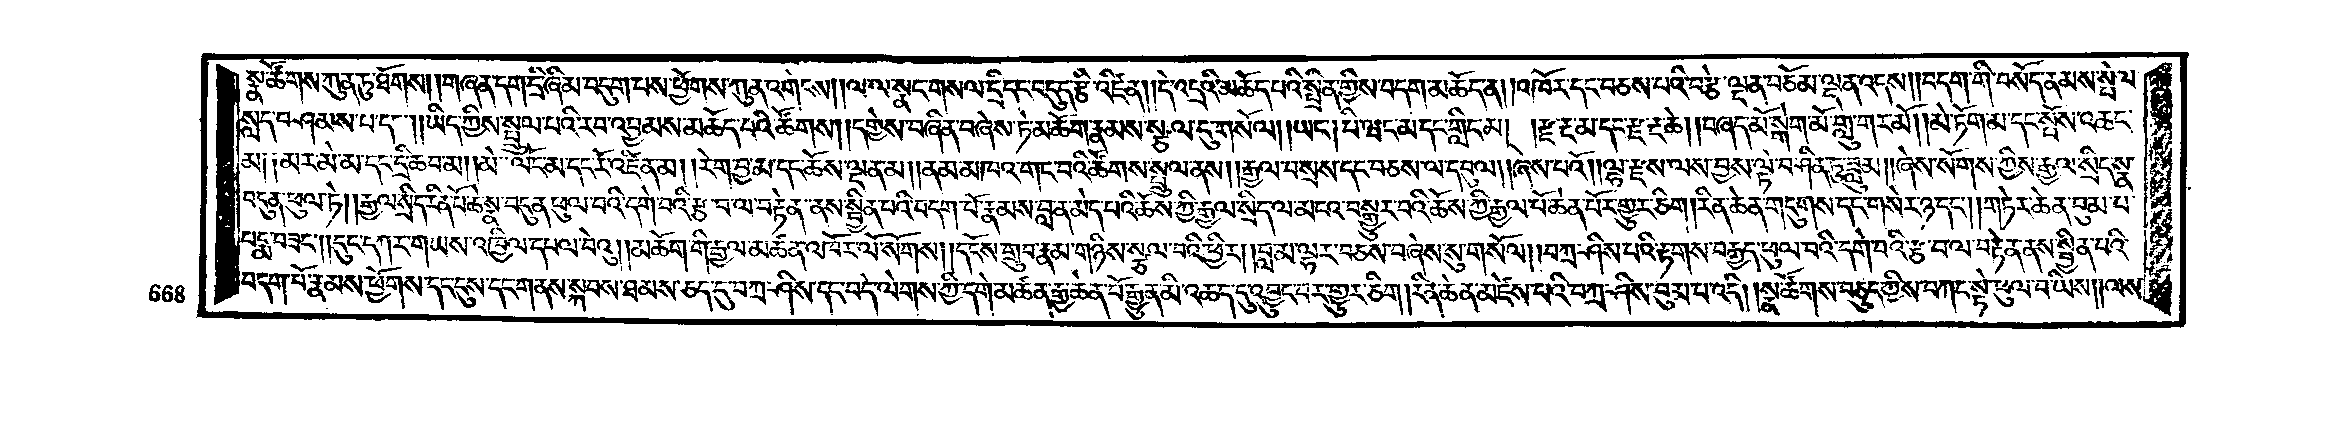སྣ་ཚོགས་ཀུན་ཏུ་ཐོགས། །གཞན་དག་དྲི་ཞིམ་བདུག་པས་ཕྱོགས་ཀུན་འགེངས། །ལ་ལ་སྣང་གསལ་དྲི་དང་བདུད་རྩི་འཛིན། །དེ་འདྲའི་མཆོད་པའི་སྤྲིན་གྱིས་བདག་མཆོད་ན། །འཁོར་དང་བཅས་པའི་བརྩེ་ལྡན་བཅོམ་ལྡན་འདས། །བདག་གི་བསེད་ནམས་སྤེལ་
སླད་བཤམས་པ་དང་། །ཡིད་ཀྱིས་སྤྲུལ་པའི་རབ་འབྱམས་མཆོད་པའི་ཚོགས། །དགྱེས་བཞིན་བཤེས་ཏེ་མཆོག་རྣམས་སྩལ་དུ་གསོ། །ཡང་། པི་ཝང་མ་དང་གླིང་བུ་མ། །རྫ་རྔ་མ་དང་རྫ་རྔ་ཆེ། །བཞད་མོ་སྒེག་མོ་གླུ་གར་མོ། །མེ་ཏོག་མ་དང་སྤོས་འཆང་
མ༑ ༑མར་མི་མ་དང་དྲི་ཆབ་མ། །མེ་ལོང་མ་དང་རོ་འྯིན་མ། །རེག་བྱ་མ་དང་ཆོས་ལྡན་མ། །ནམ་མཁའ་གང་བའི་ཚིགས་སྤྲུས་ནས། །རྒྱལ་བ་སྲས་དང་བཅས་ལ་དབུལ། །ཞེས་པའོ། །ལྷ་རྫས་ལས་བྱས་ལྟེ་བ་ཤིན་ཏུ་ཟླུམ། །ཞེས་སོགས་ཀྱིས་རྒྱལ་སྲིད་སྣ་
བདུན་ཕུལ་ཏེ། །རྒྱལ་སྲིད་རིན་པོ་ཆེ་སྣ་བདུན་ཕུལ་བའི་དགེ་བའི་རྩ་བ་ལ་བརྟེན་ནས་སྦྱིན་པའི་བདག་པོ་རྣམས་བླ་ན་མེད་པའི་ཆོས་ཀྱི་རྒྱལ་སྲིད་ལ་མངའ་བསྒྱུར་བའི་ཆོས་ཀྱི་རྒྱལ་པོ་ཆེན་པོར་གྱུར་ཅིག །རིན་ཆེན་གདུགས་དང་གསེར་ཉ་དང་། །གཏེར་ཆེན་བུམ་པ་
པདམ་བཟང་། །དུང་དཀར་གཡས་འཁྱིལ་དཔལ་བེའུ། །མཆོག་གི་རྒྱལ་མཚན་འཁོར་ལོ་སོགས། །དངོས་གྲུབ་རྣམས་གཉིས་སྩལ་བའི་ཕྱིར། །བླ་མ་ལྷར་བཅས་བཞེས་སུ་གསོ། །བཀྲ་ཤིས་པའི་རྟགས་བརྒྱད་ཕུལ་བའི་དགེ་བའི་རྩ་བ་ལ་བརྟེན་ནས་སྦྱིན་པའི་
བདག་པོ་རྣམས་ཕྱོགས་དང་དུས་དང་གནས་སྐབས་ཐམས་ཅད་དུ་བཀྲ་ཤིས་དང་བདེ་ལེགས་ཀྱི་དགེ་མཚན་རྒྱ་ཆེན་པོ་རྒྱུན་མི་འཆད་དུ་འབྱུང་བར་གྱུར་ཅིག །རིན་ཆེན་མཛེས་པའི་བཀྲ་ཤིས་བུམ་པ་འདི། །སྣ་ཚོགས་བཅུད་ཀྱིས་བཀང་སྟེ་ཕུལ་བ་ཡིས། །ལས་